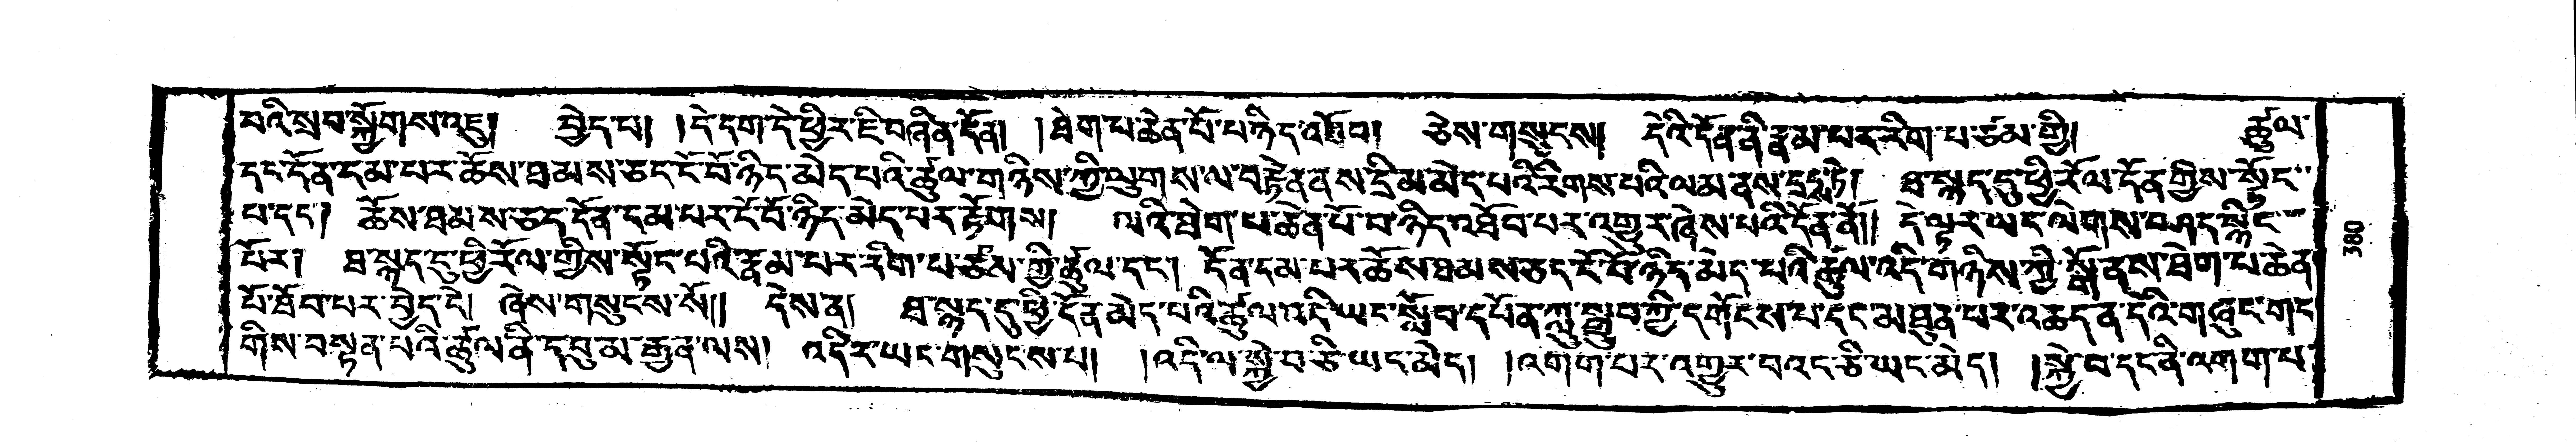བའི་སྲབ་སྐྱོགས་འཇུ། བྱེད་པ། །དེ་དག་དེ་ཕྱིར་ཇི་བཞིན་དོན། །ཐེག་པ་ཆེན་པོ་པ་ཉིད་འཐོབ། ཅེས་གསུངས། དེའི་དོན་ནི་རྣམ་པར་རིག་པ་ཙམ་གྱི། ཚུལ་
དང་དོན་དམ་པར་ཆོས་ཐམས་ཅད་ངོ་བོ་ཉིད་མེད་པའི་ཚུལ་གཉིས་ཀྱི་ལུགས་ལ་བརྟེན་ནས་དྲི་མ་མེད་པའི་རིགས་པའི་ལམ་ནས་དྲངས་ཏེ། ཐ་སྙད་དུ་ཕྱི་རོལ་དོན་གྱིས་སྟོང་
པ་དང་། ཆོས་ཐམས་ཅད་དོན་དམ་པར་ངོ་བོ་ཉིད་མེད་པར་རྟོགས། ལའི་ཐེག་པ་ཆེན་པོ་བ་ཉིད་འཐོབ་པར་འགྱུར་ཞེས་པའི་དོན་ནོ། །དེ་ལྟར་ཡང་ལེགས་བཤད་སྙིང་
པོར། ཐ་སྙད་དུ་ཕྱི་རོལ་གྱིས་སྟོང་པའི་རྣམ་པར་རིག་པ་ཙམ་གྱི་ཚུལ་དང་། དོན་དམ་པར་ཆོས་ཐམས་ཅད་ངོ་བོ་ཉིད་མེད་པའི་ཚུལ་འདི་གཉིས་ཀྱི་སྒོ་ནས་ཐེག་པ་ཆེན་
པོ་ཐོབ་པར་བྱེད་དེ། ཞེས་གསུངས་སོ། །དེས་ན། ཐ་སྙད་དུ་ཕྱི་དོན་མེད་པའི་ཚུལ་འདི་ཡང་སློབ་དཔོན་ཀླུ་སྒྲུབ་ཀྱི་དགོངས་པ་དང་མཐུན་པར་འཆད་ན་དེའི་གཞུང་གང་
གིས་བསྟན་པའི་ཚུལ་ནི་དབུ་མ་རྒྱན་ལས། འདིར་ཡང་གསུངས་པ། །འདི་ལ་སྐྱེ་བ་ཅི་ཡང་མེད། །འགག་པར་འགྱུར་བའང་ཅི་ཡང་མེད། །སྐྱེ་བ་དང་ནི་འགག་པ་